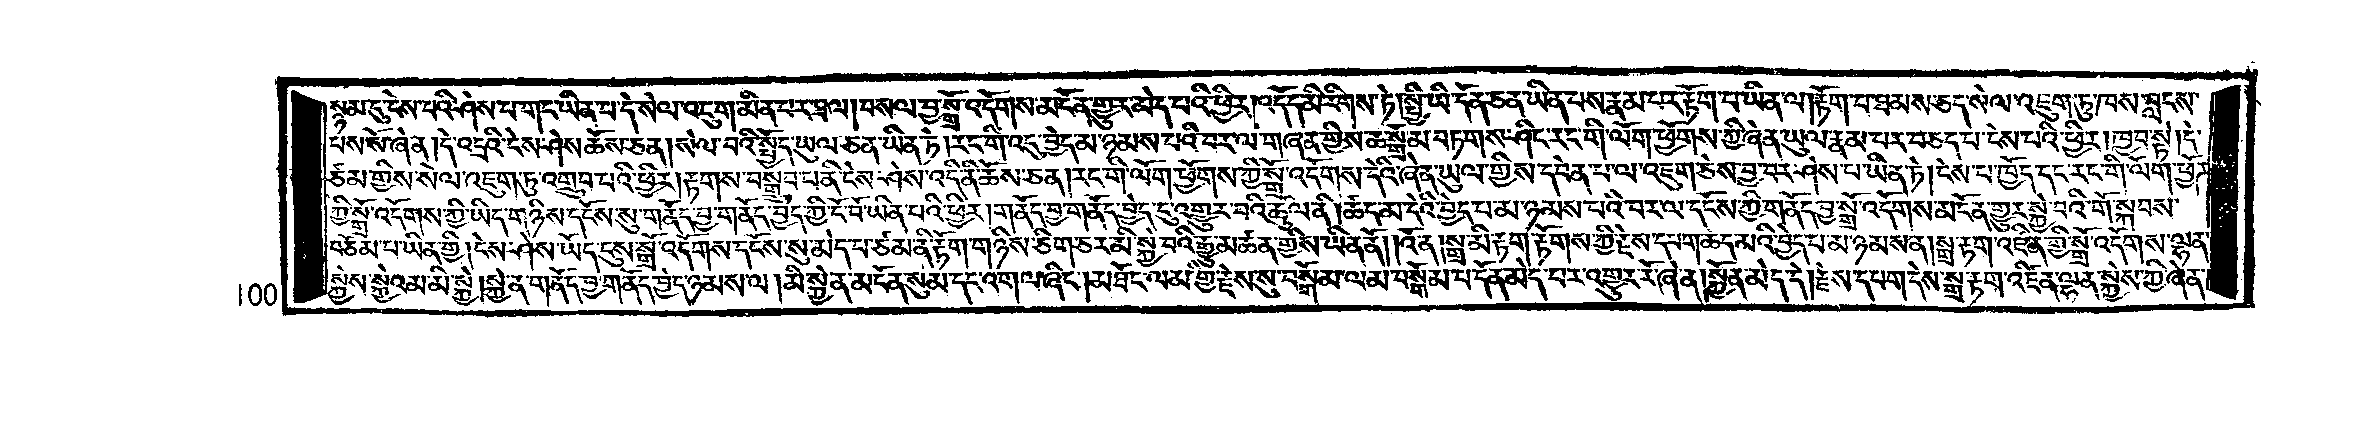སྙམ་དུ་ངེས་པའི་ཤེས་པ་གང་ཡིན་པ་དེ་སེལ་འཇུག་?་མིན་པར་ཐལ། བསལ་བྱ་སྒྲོ་འདོགས་མངོན་གྱུར་མེད་པའི་ཕྱིར། འདོད་མི་རིགས་ཏེ། སྤྱི་ཡི་དོན་ཅན་ཡིན་པས་རྣམ་པར་རྟོག་པ་ཡིན་ལ། རྟོག་པ་ཐམས་ཅད་སེལ་འཇུག་ཏུ་ཁས་བླངས་
པས་སོ་ཞེ་ན། དེ་འདྲའི་ངེས་ཤེས་ཆོས་ཅན། སེལ་བའི་སྤྱོད་ཡུལ་ཅན་ཡིན་ཏེ། རང་གི་འདུ་བྱེད་མ་ཉམས་པའི་བར་ལ་གཞན་གྱིས་ཆ་སྒྲོ་མ་བཏགས་ཤིང་རང་གི་ལོག་ཕྱོགས་ཀྱི་ཞེན་ཡུལ་རྣམ་པར་བཅད་པ་ངེས་པའི་ཕྱིར། ཁྱབ་སྟེ། དེ་
ཙམ་ཀྱིས་སེལ་འཇུག་ཏུ་འགྲུབ་པའི་ཕྱིར། རྟགས་བསྒྲུབ་པ་ནི་ངེས་ཤེས་འདི་ནི་ཆོས་ཅན། རང་གི་ལོག་ཕྱོགས་ཀྱི་སྒྲོ་འདོགས་དེའི་ཞེན་ཡུལ་གྱིས་དབེན་པ་ལ་འཇུག་ཅེས་བྱ་བར་ཤེས་པ་ཡིན་ཏེ། ངེས་པ་ཁྱོད་དང་རང་གི་ལོག་ཕྱོཌ་?
ཀྱི་སྒྲོ་འདོགས་ཀྱི་ཡིད་གཉིས་དངོས་སུ་གནོད་བྱ་གནོད་བྱེད་ཀྱི་ངོ་བོ་ཡིན་པའི་ཕྱིར། གནོད་བྱ་གནོད་བྱེད་དུ་འགྱུར་བའི་ཚུལ་ནི། ཚད་མ་དེའི་བྱེད་པ་མ་ཉམས་པའི་བར་ལ་དངོས་ཀྱི་གནོད་བྱ་སྒྲོ་འདོགས་མངོན་དུ་སྐྱེ་བའི་གོ་སྐབས་
བཅོམ་པ་ཡིན་ཀྱི། ངེས་ཤེས་ཡོད་དུས་སྒྲོ་འདོགས་དངོས་སུ་མེད་པ་ཙམ་ནི་རྟོག་གཉིས་ཅིག་ཅར་མི་སྐྱེ་བའི་རྒྱུ་མཚན་གྱིས་ཡིན་ནོ། །འོ་ན། སྒྲ་མི་རྟག་རྟོགས་ཀྱི་རྗེས་དཔག་ཚད་མའི་བྱེད་པ་མ་ཉམས་ན། སྒྲ་རྟག་འཛིན་གྱི་སྒྲོ་འདོགས་ལྷན་
སྐྱེས་སྐྱེའམ་མི་སྐྱེ། སྐྱེ་ན་གནོད་བྱ་གནོད་བྱེད་ཉམས་ལ། མི་སྐྱེ་ན་མངོན་སུམ་དང་འགལ་ཞིང་། མཐོང་ལམ་གྱི་རྗེས་སུ་བསྒོམ་ལམ་བསྒོམ་པ་དོན་མེད་པར་འགྱུར་རོ་ཞེ་ན། སྐྱོན་མེད་དེ། རྗེས་དཔག་དེས་སྒྲ་རྟག་འཛིན་ལྷན་སྐྱེས་ཀྱི་ཞེ་ན་